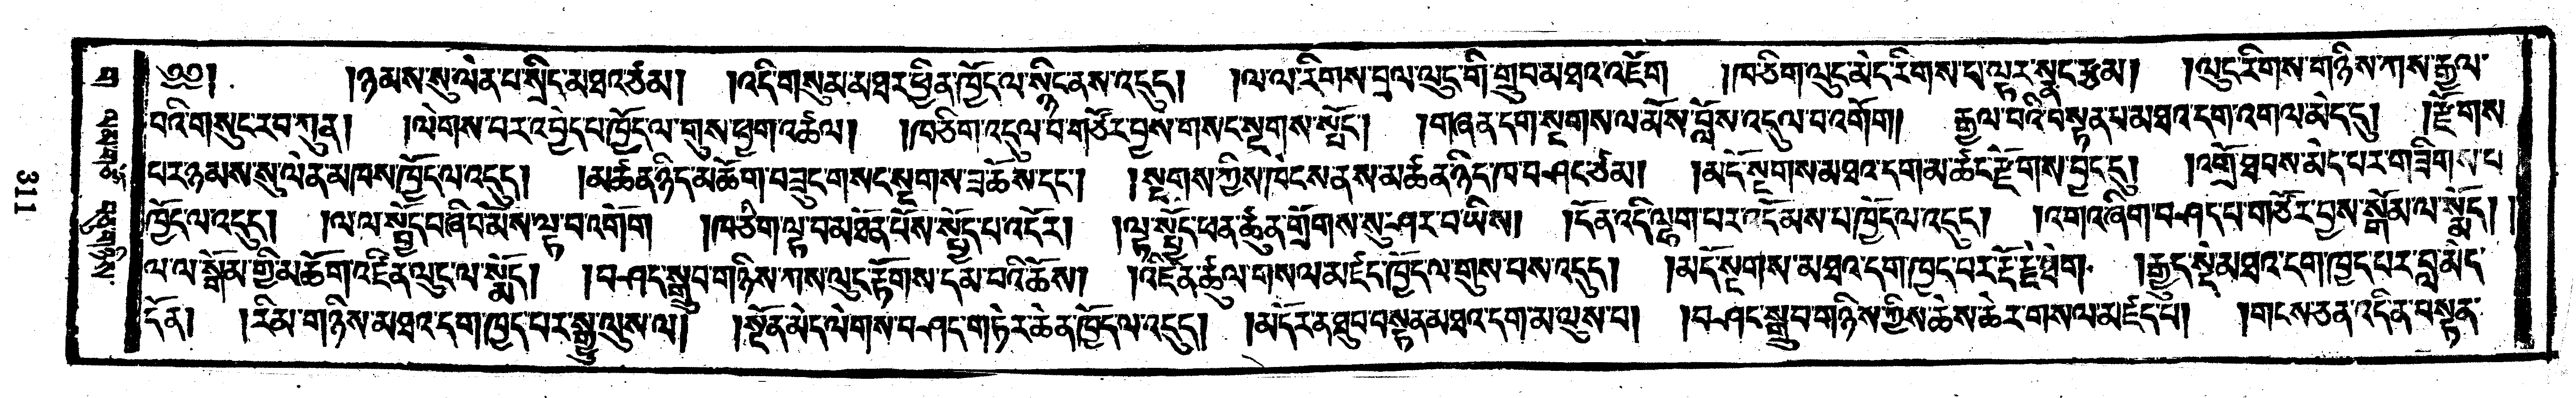༄༅། །ཉམས་སུ་ལེན་པ་སྲིད་མཐའ་ཙམ། །འདི་གསུམ་མཐར་ཕྱིན་ཁྱོད་ལ་སྙིང་ནས་འདུད། །ལ་ལ་རིགས་བྲལ་ལུང་གི་གྲུབ་མཐའ་འཇོག །ཁ་ཅིག་ལུང་མེད་རིགས་པ་ལྟར་སྣང་རྩམ། །ལུང་རིགས་གཉིས་ཀས་རྒྱལ་
བའི་གསུང་རབ་ཀུན། །ལེགས་པར་འབྱེད་པ་ཁྱོད་ལ་གུས་ཕྱག་འཚལ། །ཁ་ཅིག་འདུལ་བ་གཙོར་བྱས་གསང་སྔགས་སྤོང་། །གཞན་དག་སྔགས་ལ་མོས་བློས་འདུལ་བ་འགོག། རྒྱལ་བའི་བསྟན་པ་མཐའ་དག་འགལ་མེད་དུ། །རྫོགས་
པར་ཉམས་སུ་ལེན་མཁས་ཁྱོད་ལ་འདུད། །མཚན་ཉིད་མཆོག་བཟུང་གསང་སྔགས་ཟ་ཆོས་དང་། །སྔགས་ཀྱིས་ཁེངས་ནས་མཚན་ཉིད་ཁ་བཤད་ཙམ། །མདོ་སྔགས་མཐའ་དག་མ་ཚང་རྫོགས་བྱང་དུ། །འགྲོ་ཐབས་མེད་པར་གཟིགས་པ་
ཁྱོད་ལ་འདུད། །ལ་ལ་སྤྱོད་པ་ཞིབ་མོས་ལྟ་བ་འགོག །ཁ་ཅིག་ལྟ་བ་མཐོན་པོས་སྤྱོད་པ་འདོར། །ལྟ་སྤྱོད་ཕན་ཚུན་གྲོགས་སུ་ཤར་བ་ཡིས། །དོན་འདི་ལྷག་པར་འདོམས་པ་ཁྱོད་ལ་འདུད། །འགའ་ཞིག་བཤད་པ་གཙོར་བྱས་སྒོམ་ལ་སྨོད། །
ལ་ལ་སྒོམ་གྱི་མཆོག་འཛིན་ལུང་ལ་སྨོད། །བཤད་སྒྲུབ་གཉིས་ཀས་ལུང་རྟོགས་དམ་བའི་ཆོས། །འཛིན་ཚུལ་གསལ་མཛད་ཁྱོད་ལ་གུས་པས་འདུད། །མདོ་སྔགས་མཐའ་དག་ཁྱད་པར་རྡོ་རྗེ་ཐེག །རྒྱུད་སྡེ་མཐའ་དག་ཁྱད་པར་བླ་མེད་
དོན། །རིམ་གཉིས་མཐའ་དག་ཁྱད་པར་སྒྱུ་ལུས་ལ། །སྔོན་མེད་ལེགས་བཤད་གཏེར་ཆེན་ཁྱོད་ལ་འདུད། །མདོར་ན་ཐུབ་བསྟན་མཐའ་དག་མ་ལུས་པ། །བཤད་སྒྲུབ་གཉིས་ཀྱིས་ཆེས་ཆེར་གསལ་མཛད་པ། །གངས་ཅན་འདི་ན་བསྟན་